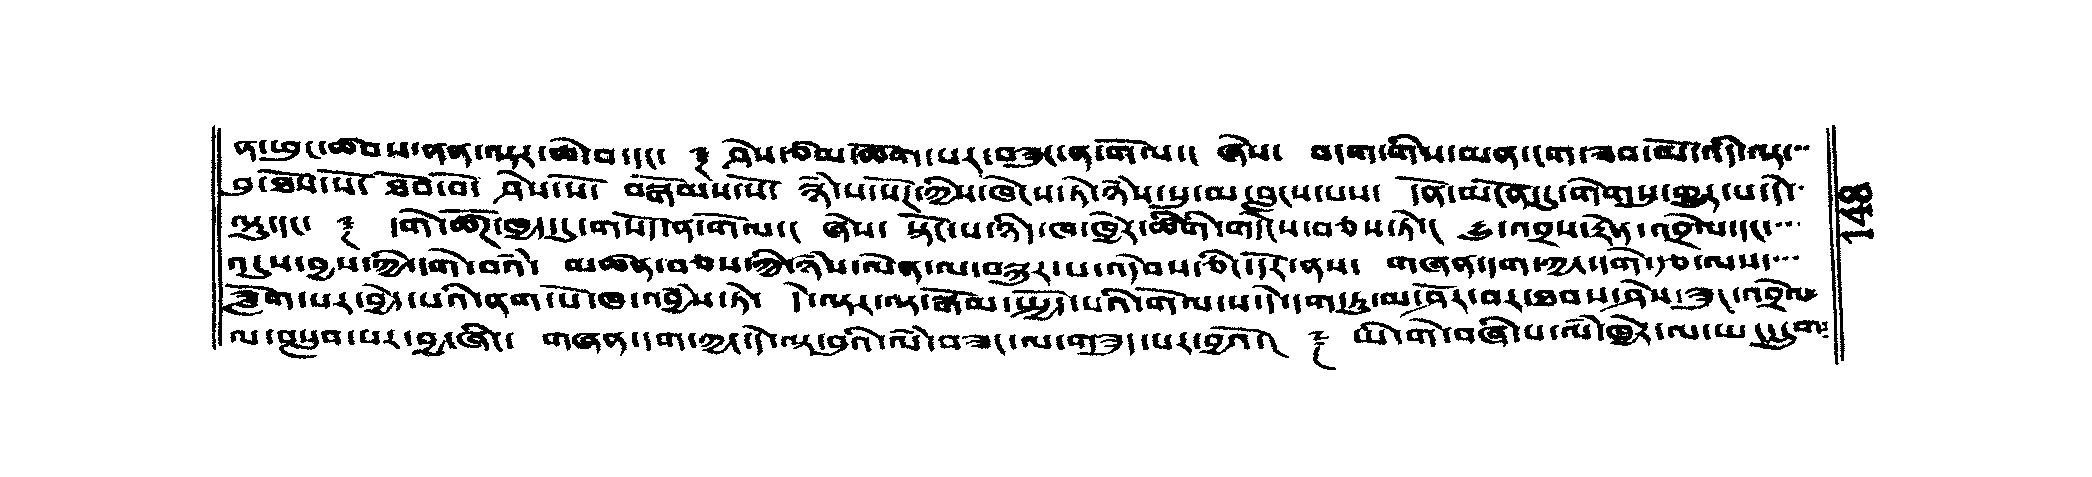ན་ཕུང་ཚབས་ནན་ལྟར་ཆེ་བ་དང་། ཤེས་ཙམ་ཆོག་པར་བཟུང་ན་གོལ། ཞེས་བདག་གིས་མན་ངག་ཟབ་མོ་འདི་ལྟ་
བུ་ཐོས་སོ། ཐོབ་བོ། ཤེས་སོ། བསྒོམས་སོ། སྙམ་པ་སོགས་ཀྱིས་ཁེངས་ཏེ་ཉམས་སུ་མ་བླངས་པས། དོན་མངོན་དུ་གེགས་སུ་གྱུར་པ་དེ་
ལྟ་བུ་དང་། དགེ་ཚོགས་ཁྱད་དུ་གསོད་ན་གོལ། ཞེས་སྟོང་པ་ཉིད་ཁ་ཁྱེར་ཚིག་གི་གདེངས་བཅས་ཏེ། རྒྱུ་འབྲས་རྟེན་འབྲེལ་དང་
འདུས་བྱས་ཀྱི་དགེ་བའམ། མཚན་བཅས་ཀྱི་ཉམས་ལེན་ལ་བསྐུར་པ་འདེབས་ཤིང་དོར་ནས། གཞན་དག་ཀྱང་དགེ་རྩ་ལས་
ཟློག་པར་བྱེད་པའི་ནག་པོ་ཁ་འབྱམས་ཏེ། དེ་ལྟར་ལྟ་སྒོམ་སྤྱོད་པའི་གོལ་ས་དེ་དག་ཏུ་མ་ཤོར་བར་ཐབས་ཤེས་ཟུང་འབྲེལ་
ལ་བསླབ་པར་བྱ་ཞིང་། གཞན་དག་ཀྱང་དེ་ལྟ་བུའི་ལམ་བཟང་ལ་གཟུད་པར་བྱའོ། ཡི་གེ་བཞི་པ་ལམ་ཁྱེར་ལ་ཡང་དྲུག་